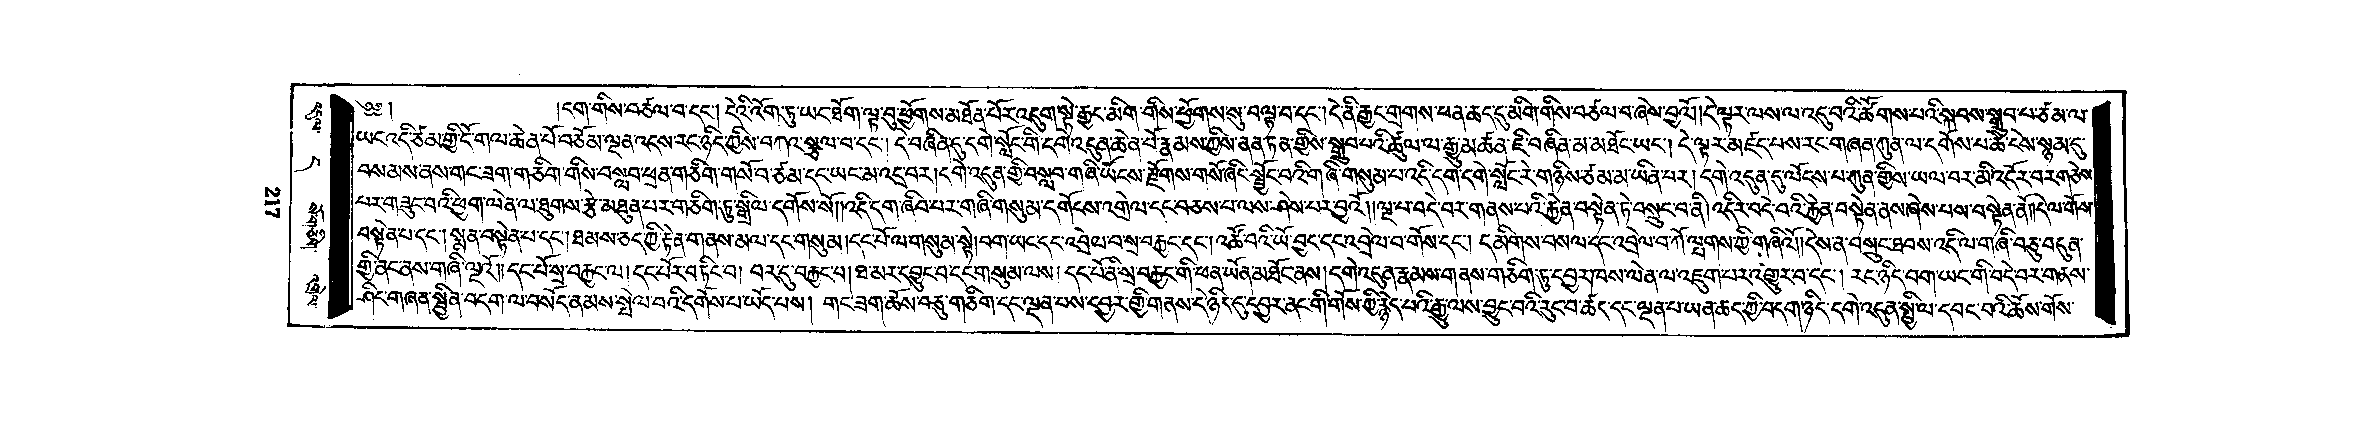༄༅། །དག་གིས་བཙལ་བ་དང་། དེའི་འོག་ཏུ་ཡང་ཐོག་ལྟ་བུ་ཕྱོགས་མཐོན་པོར་འདུག་སྟེ་རྒྱང་མིག་གིས་ཕྱོགས་སུ་བལྟ་བ་དང་། དེ་ནི་རྒྱང་གྲགས་ཕན་ཆད་དུ་མིག་གིས་བཙལ་བ་ཞེས་བྱའོ། །དེ་ལྟར་ལས་ལ་འདུ་བའི་ཚོགས་པའི་སྐབས་སྒྲུབ་པ་ཙམ་ལ་
ཡང་འདི་ཙམ་གྱི་དོ་གལ་ཆེན་པོ་བཅོམ་ལྡན་འདས་རང་ཉིད་ཀྱིས་བཀའ་སྩལ་བ་དང་། དེ་བཞིན་དུ་དགེ་སློང་གི་དགེ་འདུན་ཆེན་པོ་རྣམས་ཀྱིས་ནན་ཏན་གྱིས་སྒྲུབ་པའི་ཚུལ་ལ་རྒྱུ་མཚན་ཇི་བཞིན་མ་མཐོང་ཡང་། དེ་ལྟར་མཛད་པས་རང་གཞན་ཀུན་ལ་དགོས་པ་ཆེ་ངེས་སྙམ་དུ་
བསམས་ནས་གང་ཟག་གཅིག་གིས་བསླབ་ཕྲན་གཅིག་གསོ་བ་ཙམ་དང་ཡང་མ་འདྲ་བར། དགེ་འདུན་གྱི་བསླབ་གཞི་ཡོངས་རྫོགས་གསོ་ཞིང་སྦྱོང་བའི་གཞི་གསུམ་པ་འདི་དག་དགེ་སློང་རེ་གཉིས་ཙམ་མ་ཡིན་པར། དགེ་འདུན་དུ་ལོངས་པ་ཀུན་གྱིས་ཡལ་བར་མི་འདོར་བར་གཅེས་
པར་གཟུང་བའི་ཕྱག་ལེན་ལ་ཐུགས་རྩེ་མཐུན་པར་གཅིག་ཏུ་སྒྲིལ་དགོས་སོ། །འདི་དག་ཞིབ་པར་གཞི་གསུམ་དགོངས་འགྲེལ་དང་བཅས་པ་ལས་ཤེས་པར་བྱའོ། །ལྔ་པ་བདེ་བར་གནས་པའི་རྐྱེན་བསྟེན་ཏེ་བསྲུང་བ་ནི། འདིར་བདེ་བའི་རྐྱེན་བསྟེན་ནས་ཞེས་པས་བསྟེན་ནོ། །དེ་ལ་གོས་
བསྟེན་པ་དང་། སྨན་བསྟེན་པ་དང་། ཐམས་ཅད་ཀྱི་རྟེན་གནས་མལ་དང་གསུམ། དང་པོ་ལ་གསུམ་སྟེ། བག་ཡང་དང་འབྲེལ་བ་སྲ་བརྐྱང་དང་། འཚོ་བའི་ཡོ་བྱང་དང་འབྲེལ་བ་གོས་དང་། དམིགས་བསལ་དང་འབྲེལ་བ་ཀོ་ལྤགས་ཀྱི་གཞིའོ། །དེས་ན་བསྲུང་ཐབས་འདི་ལ་གཞི་བཅུ་བདུན་
གྱི་ནང་ནས་གཞི་ལྔའོ། །དང་པོ་སྲ་བརྐྱང་ལ། དང་པོར་བཏིང་བ། བར་དུ་བརྐྱང་བ། ཐ་མར་དབྱུང་བ་དང་གསུམ་ལས། དང་པོ་ནི་སྲ་བརྐྱང་གི་ཕན་ཡོན་མཐོང་ནས། དགེ་འདུན་རྣམས་གནས་གཅིག་ཏུ་དབྱར་ཁས་ལེན་ལ་འཇུག་པར་འགྱུར་བ་དང་། རང་ཉིད་བག་ཡང་གི་བདེ་བར་གནས་
ཤིང་གཞན་སྦྱིན་བདག་ལ་བསོད་ནམས་སྤེལ་བའི་དགོས་པ་ཡོད་པས། གང་ཟག་ཆོས་བཅུ་གཅིག་དང་ལྡན་པས་དབྱར་གྱི་གནས་དེ་ཉིད་དུ་དབྱར་ནང་གི་གོས་ཀྱི་རྙེད་པའི་རྒྱུ་ལས་བྱུང་བའི་རུང་བ་ཚད་དང་ལྡན་པ་ཡན་ཆད་ཀྱི་བདག་ཉིད་དགེ་འདུན་སྤྱི་ལ་དབང་བའི་ཆོས་གོས་